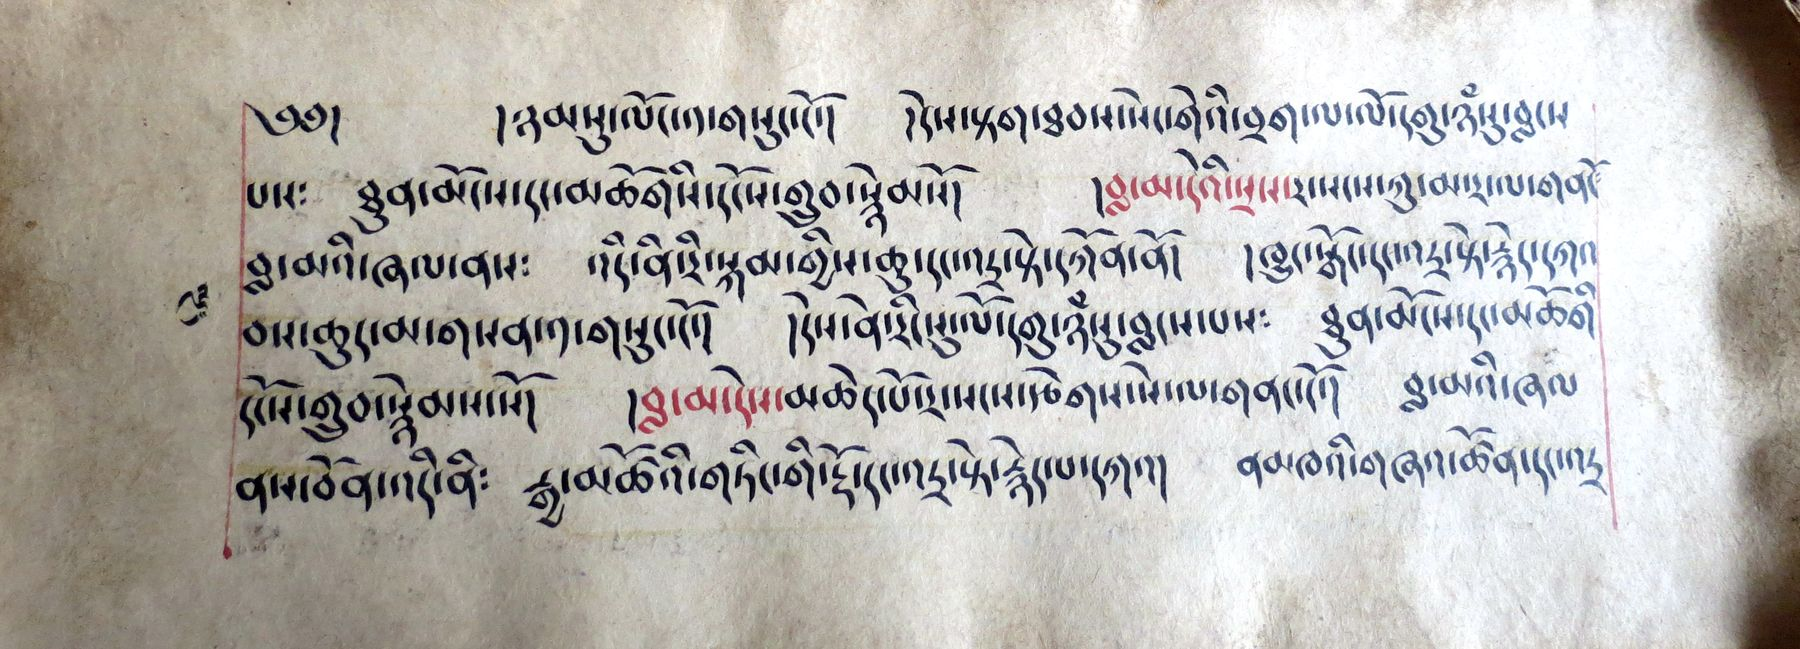ཉམས་སུ་ལོངས་ཤིག་གསུང་ངོ་། །དེས་སྟག་ཐབས་སེང་གེའི་བྲག་ལ་ལོ་དགུ་ཉམས་སུ་བླངས་
པས། ཐུན་མོང་དང་མཆོག་གི་དངོས་གྲུབ་བསྙེམས་སོ། ། བླ་མ་དེའི་སྲས་ར་སངས་ཀུ་མ་ར་ལ་གནང་ངོ་། 
བླ་མ་དེའི་ཞལ་ནས། བོན་འདི་ནི་རི་སྐམ་གྱི་ཆུ་དང་འདྲ་སྟེ་དཀོན་ནོ། །ཁྱུང་སྒོང་དང་འདྲ་སྟེ་རྙེད་དཀའ་
བས་ཆུད་མ་གསོན་ཅིག་གསུངས་སོ། །དེས་ནི་རིངས་སུ་ལོ་དགུ་ཉམས་སུ་བླངས་པས། ཐུན་མོང་དང་མཆོག་གི་
དངོས་གྲུབ་བསྙེམས་སོ། །བླ་མ་དེས་མཆེད་པོ་ར་སངས་རྩེགས་སེ་ལ་གནང་ངོ་། བླ་མའི་ཞལ་
ནས་བོན་འདི་ནི། རྒྱ་མཚོའི་གཏིང་གི་རྡོ་དང་འདྲ་སྟེ་རྙེད་པ་དཀའ་འོ། །ནམ་མཁའི་གཞའ་ཚོན་དང་འདྲ་